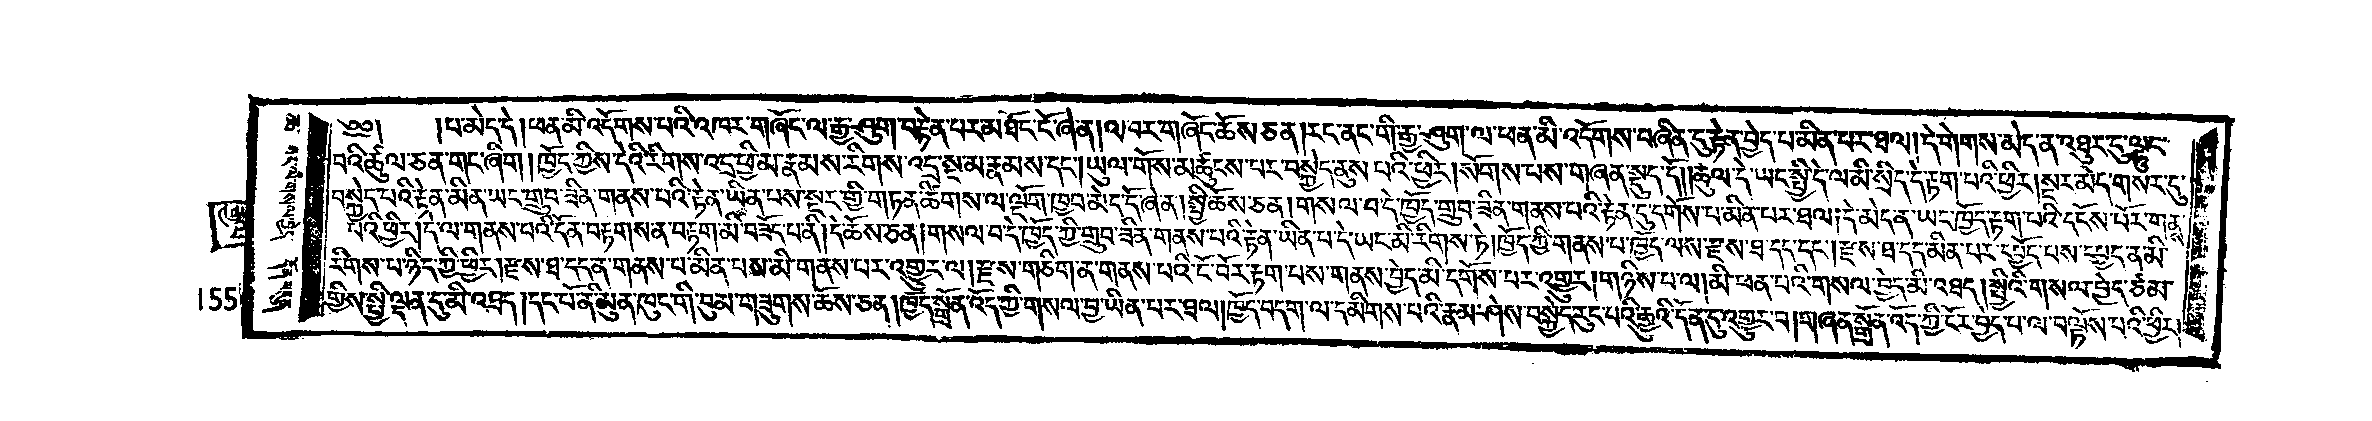༄༅། །པ་མེད་དེ། ཕན་མི་འདོགས་པའི་འཁར་གཞོང་ལ་རྒྱ་ཤུག་བརྟེན་པར་མཐོང་ངོ་ཞེ་ན། འཁར་གཞོང་ཆོས་ཅན། རང་ནང་གི་རྒྱ་ཤུག་ལ་ཕན་མི་འདོགས་བཞིན་དུ་རྟེན་བྱེད་པ་མིན་པར་ཐལ། དེ་གེགས་མེད་ན་འཐུར་དུ་ལྷུང་
བའི་ཚུལ་ཅན་གང་ཞིག །ཁྱོད་ཀྱིས་དེའི་རིགས་འདྲ་ཕྱི་མ་རྣམས་རིགས་འདྲ་སྔ་མ་རྣམས་དང་། ཡུལ་གོ་ས་མཚུངས་པར་བསྐྱེད་ནུས་པའི་ཕྱིར། སོགས་པས་གཞན་སྡུད་དོ། །ཚུལ་དེ་ཡང་སྤྱི་དེ་ལ་མི་སྲིད་དེ་རྟག་པའི་ཕྱིར། སྔར་མེད་གསར་དུ་
བསྐྱེད་པའི་རྟེན་མིན་ཡང་གྲུབ་ཟིན་གནས་པའི་རྟེན་ཡིན་པས་སྔར་གྱི་གཏན་ཚིགས་ལ་ལྡོག་ཁྱབ་མེད་དོ་ཞེ་ན། སྤྱི་ཆོས་ཅན། གསལ་བ་དེ་ཁྱོད་གྲུབ་ཟིན་གནས་པའི་རྟེན་དུ་དགོས་པ་མིན་པར་ཐལ། དེ་མེད་ན་ཡང་ཁྱོད་རྟག་པའི་དངོས་པོར་གནས་
པའི་ཕྱིར། དེ་ལ་གནས་པའི་དོན་བརྟགས་ན་བརྟག་མི་བཟོད་པ་ནི། དེ་ཆོས་ཅན། གསལ་བ་དེ་ཁྱོད་ཀྱི་གྲུབ་ཟིན་གནས་པའི་རྟེན་ཡིན་པ་དེ་ཡང་མི་རིགས་ཏེ། ཁྱོད་ཀྱི་གནས་པ་ཁྱོད་ལས་རྫས་ཐ་དད་དང་། རྫས་ཐ་དད་མིན་པར་དཔྱོད་པས་དཔྱད་ན་མི་
རིགས་པ་ཉིད་ཀྱི་ཕྱིར། རྫས་ཐ་དད་ན་གནས་པ་མིན་པས་མི་གནས་པར་འགྱུར་ལ། རྫས་གཅིག་ན་གནས་པའི་ངོ་བོར་རྟག་པས་གནས་བྱེད་མི་དགོས་པར་འགྱུར། གཉིས་པ་ལ། མི་ཕན་པའི་གསལ་བྱེད་མི་འཐད། སྤྱིའི་གསལ་བྱེད་ཙམ་
གྱིས་སྤྱི་ལྡན་དུ་མི་འཐད། དང་པོ་ནི་མུན་ཁུང་གི་བུམ་གཟུགས་ཆོས་ཅན། ཁྱོད་སྒྲོན་འོད་ཀྱི་གསལ་བྱ་ཡིན་པར་ཐལ། ཁྱོད་བདག་ལ་དམིགས་པའི་རྣམ་ཤེས་བསྐྱེད་རུང་བའི་རྒྱུའི་དོན་དུ་འགྱུར་བ། གཞན་སྒྲོན་འོད་ཀྱི་ངོར་བྱེད་པ་ལ་བལྟོས་པའི་ཕྱིར།